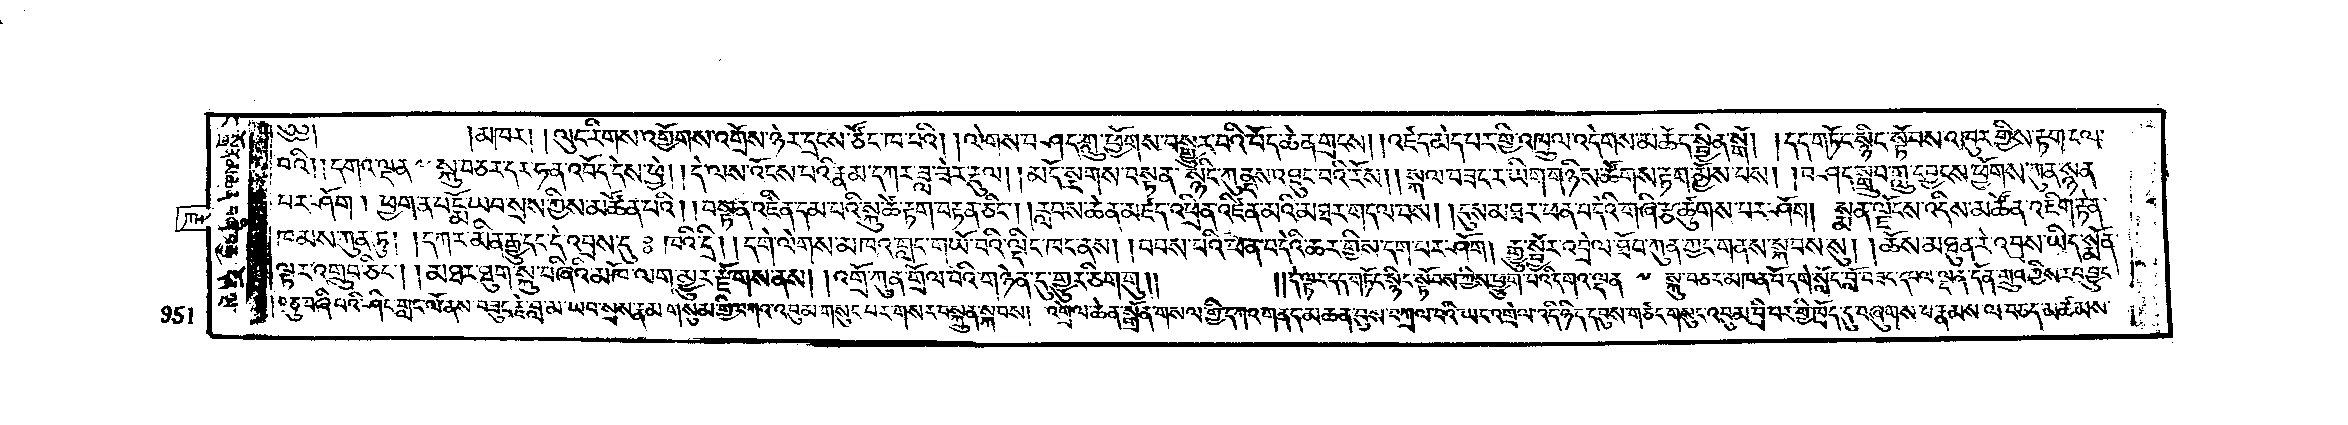༄༅། །མཁར། །ལུང་རིགས་འགྱོགས་འགྲོས་ཉེར་དྲངས་ཙོང་ཁ་པའི། །ལེགས་བཤད་ཀླུ་ཕྱོགས་བསྒྱུར་བའི་བོད་ཆེན་གྲངས། །འཛད་མེད་པར་གྱི་འཁྲུལ་འདེགས་མཆོད་སྦྱིན་སྒོ། །དད་གཏོང་སྙིང་སྟོབས་འཁུར་གྱིས་རྟག་ངལ་
བའི། །དགའ་ལྡན་༧སྐུ་བཅར་དར་ཧན་འབོད་དེས་ཕྱེ། །དེ་ལས་འོངས་པའི་རྣམ་དཀར་ཟླ་ཟེར་རྡུལ། །མདོ་སྔགས་བསྟན་སྙིང་ཀུནྡས་འཐུང་བའི་རོས། །སྐལ་བཟང་ར་ཡིག་གཉིས་ཚོགས་རྟག་མྱོས་པས། །བཤད་སྒྲུབ་གླུ་དབྱངས་ཕྱོགས་ཀུན་སྙན་
པར་ཤོག །ཕྱག་ན་པདམོ་ཡབ་སྲས་ཀྱིས་མཚོན་པའི། །བསྟན་འཛིན་དམ་པའི་སྐུ་ཚེ་རྟག་བརྟན་ཅིང་། །རླབས་ཆེན་མཛད་འཕྲིན་འཛིན་མའི་མཐར་གདལ་བས། །དུས་མཐར་ཕན་བདེའི་གཞི་རྩ་ཚུགས་པར་ཤོག །སྨན་ལྗོངས་འདིས་མཚོན་འཇིག་རྟེན་
ཁམས་ཀུན་ཏུ། །དཀར་མིན་རྒྱུ་དང་དེ་འབྲས་དུཿ ཁའི་དྲི། །དགེ་ལེགས་མཁའ་གླང་གཡོ་བའི་ལྡིང་ཁང་ནས། །བབས་པའི་ཕན་བདེའི་ཆར་གྱིས་དག་པར་ཤོག །རྒྱུ་སྦྱོར་འབྲེལ་ཐོབ་ཀུན་ཀྱང་གནས་སྐབས་སུ། །ཆོས་མཐུན་རེ་འབྲས་ཡིད་སྨོན་
ལྟར་འགྲུབ་ཅིང་། །མཐར་ཐུག་སྐུ་བཞིའི་མཁོ་ལག་མྱུར་རྫོགས་ནས། །འགྲོ་ཀུན་གྲོལ་བའི་གཉེན་དུ་གྱུར་ཅིག་གུ།། །།དེ་ལྟར་དད་གཏོང་སྙིང་སྟོབས་ཀྱིས་ཕྱུག་པའི་དགའ་ལྡན་༧སྐུ་བཅར་མཁན་པོ་དགེ་སློང་བློ་བཟང་དཔལ་ལྡན་དོན་གྲུབ་ཀྱིས་རབ་བྱུང་
བཅུ་བཞི་པའི་ཤིང་གླང་ལོ་ནས་བཟུང་རྗེ་བླ་མ་ཡབ་སྲས་རྣམ་གསུམ་གྱི་བཀའ་འབུམ་གསུང་པར་གསར་བསྐྲུན་སྐབས། འགྲེལ་ཆེན་སྒྲོན་གསལ་གྱི་དཀའ་གནད་མཚན་བུས་བཀྲལ་བའི་ཡང་འགྲེལ་འདི་ཉིད་དབུས་གཙང་གསུང་འབུམ་བྲི་བར་གྱི་ཁྲོད་དུ་བཞུགས་པ་རྣམས་ལ་བཅད་མཚམས་